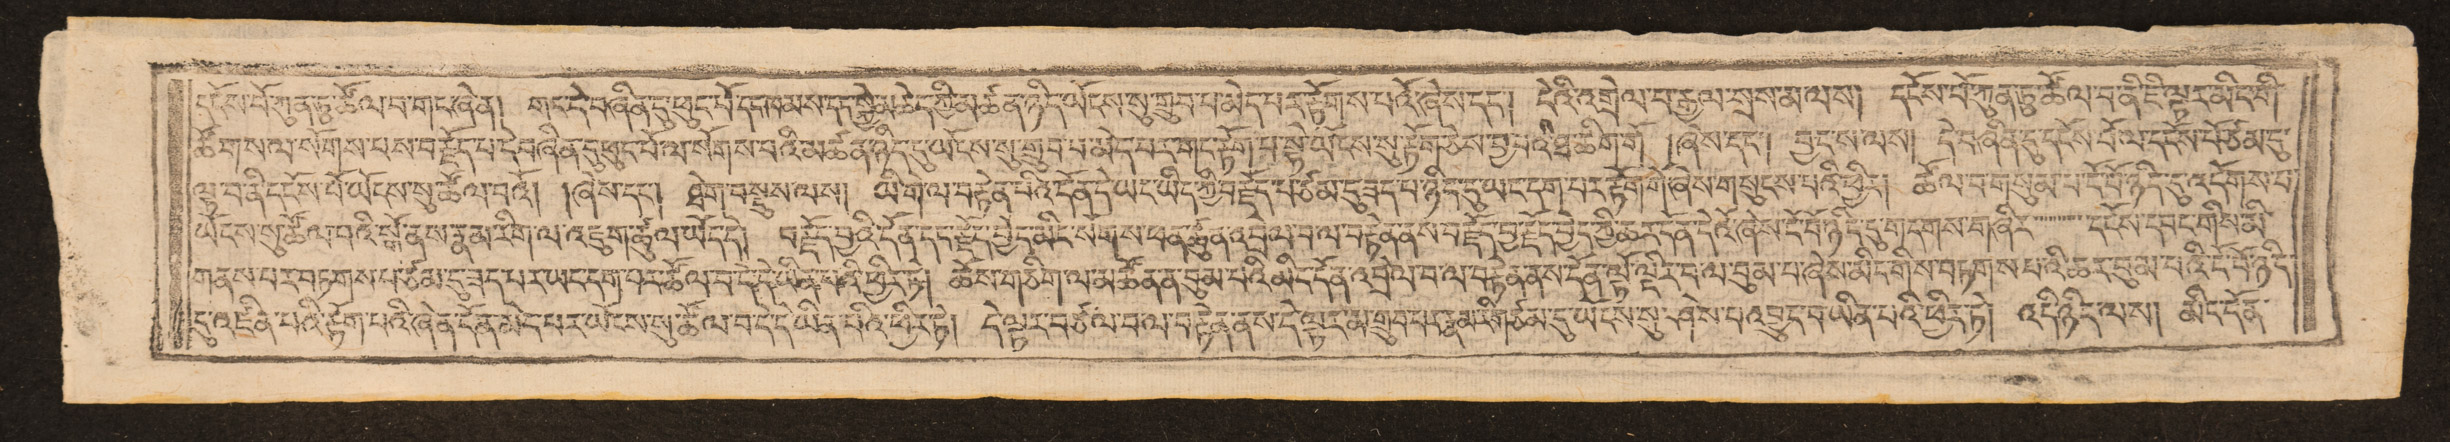དངོས་པོ་ཀུན་ཏུ་ཚོལ་བ་གང་ཞེ་ན། གང་དེ་བཞིན་དུ་ཕུང་པོ་དང་ཁམས་དང་སྐྱེ་མཆེད་ཀྱི་མཚན་ཉིད་ཡོངས་སུ་གྲུབ་པ་མེད་པར་རྟོགས་པའོ་ཞེས་དང་། དེའི་འགྲེལ་པ་རྒྱལ་སྲས་མ་ལས། དངོས་པོ་ཀུན་ཏུ་ཚོལ་བ་ནི་ཇི་ལྟར་མིང་གི་
ཚོགས་ལ་སོགས་པས་བརྗོད་པ་དེ་བཞིན་དུ་ཕུང་པོ་ལ་སོགས་པའི་མཚན་ཉིད་དུ་ཡོངས་སུ་གྲུབ་པ་མེད་པར་གང་རྟོག་པ་སྟེ་ཡོངས་སུ་རྟོག་ཅེས་བྱ་བའི་ཐ་ཚིག་གོ །ཞེས་དང་། བྱང་ས་ལས། དེ་བཞིན་དུ་དངོས་པོ་ལ་དངོས་པོ་ཙམ་དུ་
ལྟ་བ་ནི་དངོས་པོ་ཡོངས་སུ་ཚོལ་བའོ། །ཞེས་དང་། ཐེག་བསྡུས་ལས། ཡི་གེ་ལ་བརྟེན་པའི་དོན་དེ་ཡང་ཡིད་ཀྱི་བརྗོད་པ་ཙམ་དུ་ཟད་པ་ཉིད་དུ་ཡང་དག་པར་རྟོག་གོ་ཞེས་གསུངས་པའི་ཕྱིར། ཚོལ་བ་གསུམ་པ་ངོ་བོ་ཉིད་དུ་འདོགས་པ་
ཡོངས་སུ་ཚོལ་བའི་སྒོ་ནས་རྣམ་རིག་ལ་འཇུག་ཚུལ་ཡོད་དེ། བརྗོད་བྱའི་དོན་དང་རྗོད་བྱེད་མིང་སོགས་ཕན་ཚུན་འབྲེལ་བ་ལ་བརྟེན་ནས་བརྗོད་བྱ་རྗོད་བྱེད་ཀྱི་ཆར་དོན་དེའོ་ཞེས་ངོ་བོ་ཉིད་དུ་གདགས་གཞིར་དངོས་དབང་གིས་མི་
གནས་པར་བཏགས་པ་ཙམ་དུ་ཟད་པར་ཡང་དག་པར་ཚོལ་བ་དེ་དེ་ཡིན་པའི་ཕྱིར་ཏེ། ཆོས་གཅིག་ལ་མཚོན་ན་བུམ་པའི་མིང་དོན་འབྲེལ་བ་ལ་བརྟེན་ནས་དོན་ལྟོ་ལྡིར་བ་ལ་བུམ་པ་ཞེས་མིང་གིས་བཏགས་པའི་ཆར་བུམ་པའི་ངོ་བོ་ཉིད་
དུ་འཛིན་པའི་རྟོག་པའི་ཞེ་ན་དོན་མེད་པར་ཡོངས་སུ་ཚོལ་བ་དེ་དེ་ཡིན་པའི་ཕྱིར་ཏེ། དེ་ལྟར་བཙལ་བ་ལ་བརྟེན་ནས་དེ་ལྟར་མ་གྲུབ་པར་རྣམ་རིག་ཙམ་དུ་ཡོངས་སུ་ཤེས་པ་འབྱུང་བ་ཡིན་པའི་ཕྱིར་ཏེ། འདི་ཉིད་ལས། མིང་དོན་